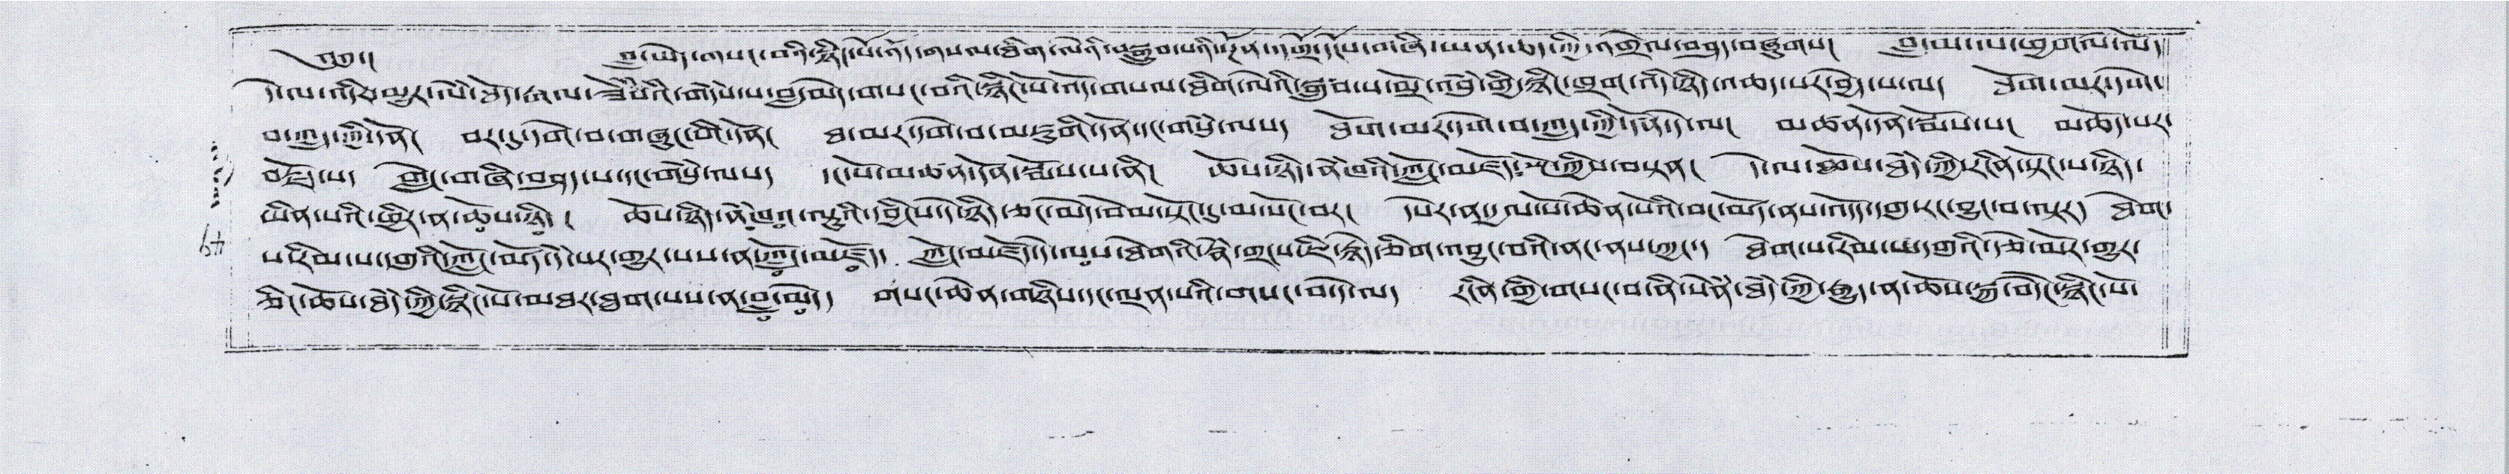༄༅།། བླ་མེད་གསང་བའི་སྙིང་པོ་འོད་གསལ་ཐིག་ལེའི་བསྒྲུབ་པའི་སྔོན་འགྲོ་དངོས་གཞི་ཡན་ཆད་ཀྱི་འགྲེལ་བཤད་བཞུགས། བླ་མ་ལ་ཕྱག་འཚལ་ལོ། 
དེ་ལ་འདིར་མྱུར་ལམ་ཐོད་རྒལ་ཟབ་མོའི་གདམས་པ་བླ་མེད་གསང་བའི་སྙིང་པོ་འོད་གསལ་ཐིག་ལེའི་སྒྲུབ་པ་མཁའ་འགྲོ་འབུམ་གྱི་སྙིང་ཁྲག་འདི་ཉིད་འཆད་པར་བྱེད་པ་ལ། ཐོག་མེར་དགེ་
བ་ཀླད་ཀྱི་དོན། བར་དུ་དགེ་བ་གཞུང་གི་དོན། ཐ་མར་དགེ་བ་མཇུག་གི་དོན་དང་གསུམ་ལས། ཐོག་མར་དགེ་བ་ཀླད་ཀྱི་དོན་དེ་ལ། མཚན་དོན་སྨོས་པ། མཆོད་པར་
བརྗོད་པ། གླེང་གཞི་བཤད་པ་དང་གསུམ་ལས། དང་པོ་མཚན་དོན་སྨོས་པ་ནི། ཆོས་ཉིད་ནམ་མཁའི་ཀློང་མཛོད་སོགས་ཀྱིས་བསྟན། དེ་ལ་ཆོས་ཐམས་ཅད་ཀྱི་རང་བཞིན་སྟོང་པ་ཉིད་
ཡིན་པའི་ཕྱིར་ན་ཆོས་ཉིད། ཆོས་ཉིད་ནམ་མཁའ་ལྟ་བུའི་དབྱིངས་དེ་ཉིད་ཅང་མེད་བེམ་སྟོང་དུ་མ་སོང་བར། དཔེར་ན་རྒྱལ་པོ་ཆེན་པོའི་བང་མཛོད་ནས་འདོད་དགུ་རང་བྱུང་བ་ལྟར། ཐེག་
པ་རིམ་དགུའི་ཀློང་མཛོད་དམ་པར་གྱུར་པས་ན་ཀློང་མཛོད། ཀློང་མཛོད་དེ་ལས་ཐེག་པའི་རྣམ་གྲངས་ཇི་སྙེད་ཅིག་འབྱུང་བའི་ནང་ནས་ཀྱང་། ཐེག་པ་རིམ་དགུའི་རྩེ་མོར་གྱུར་
ཅིང་ཆོས་ཐམས་ཅད་སྙིང་པོ་མཐར་ཐུག་པས་ན་བླ་མེད། གསང་ཆེན་གཉིས་དང་ལྡན་པའི་གསང་བ་དེ་ལ། རང་བཞིན་གྱི་གསང་བ་ནི་སེམས་ཅན་ཐམས་ཅད་ཀྱི་རྒྱུད་ན་ཆོས་སྐུ་བདེར་གཤེགས་སྙིང་པོ་